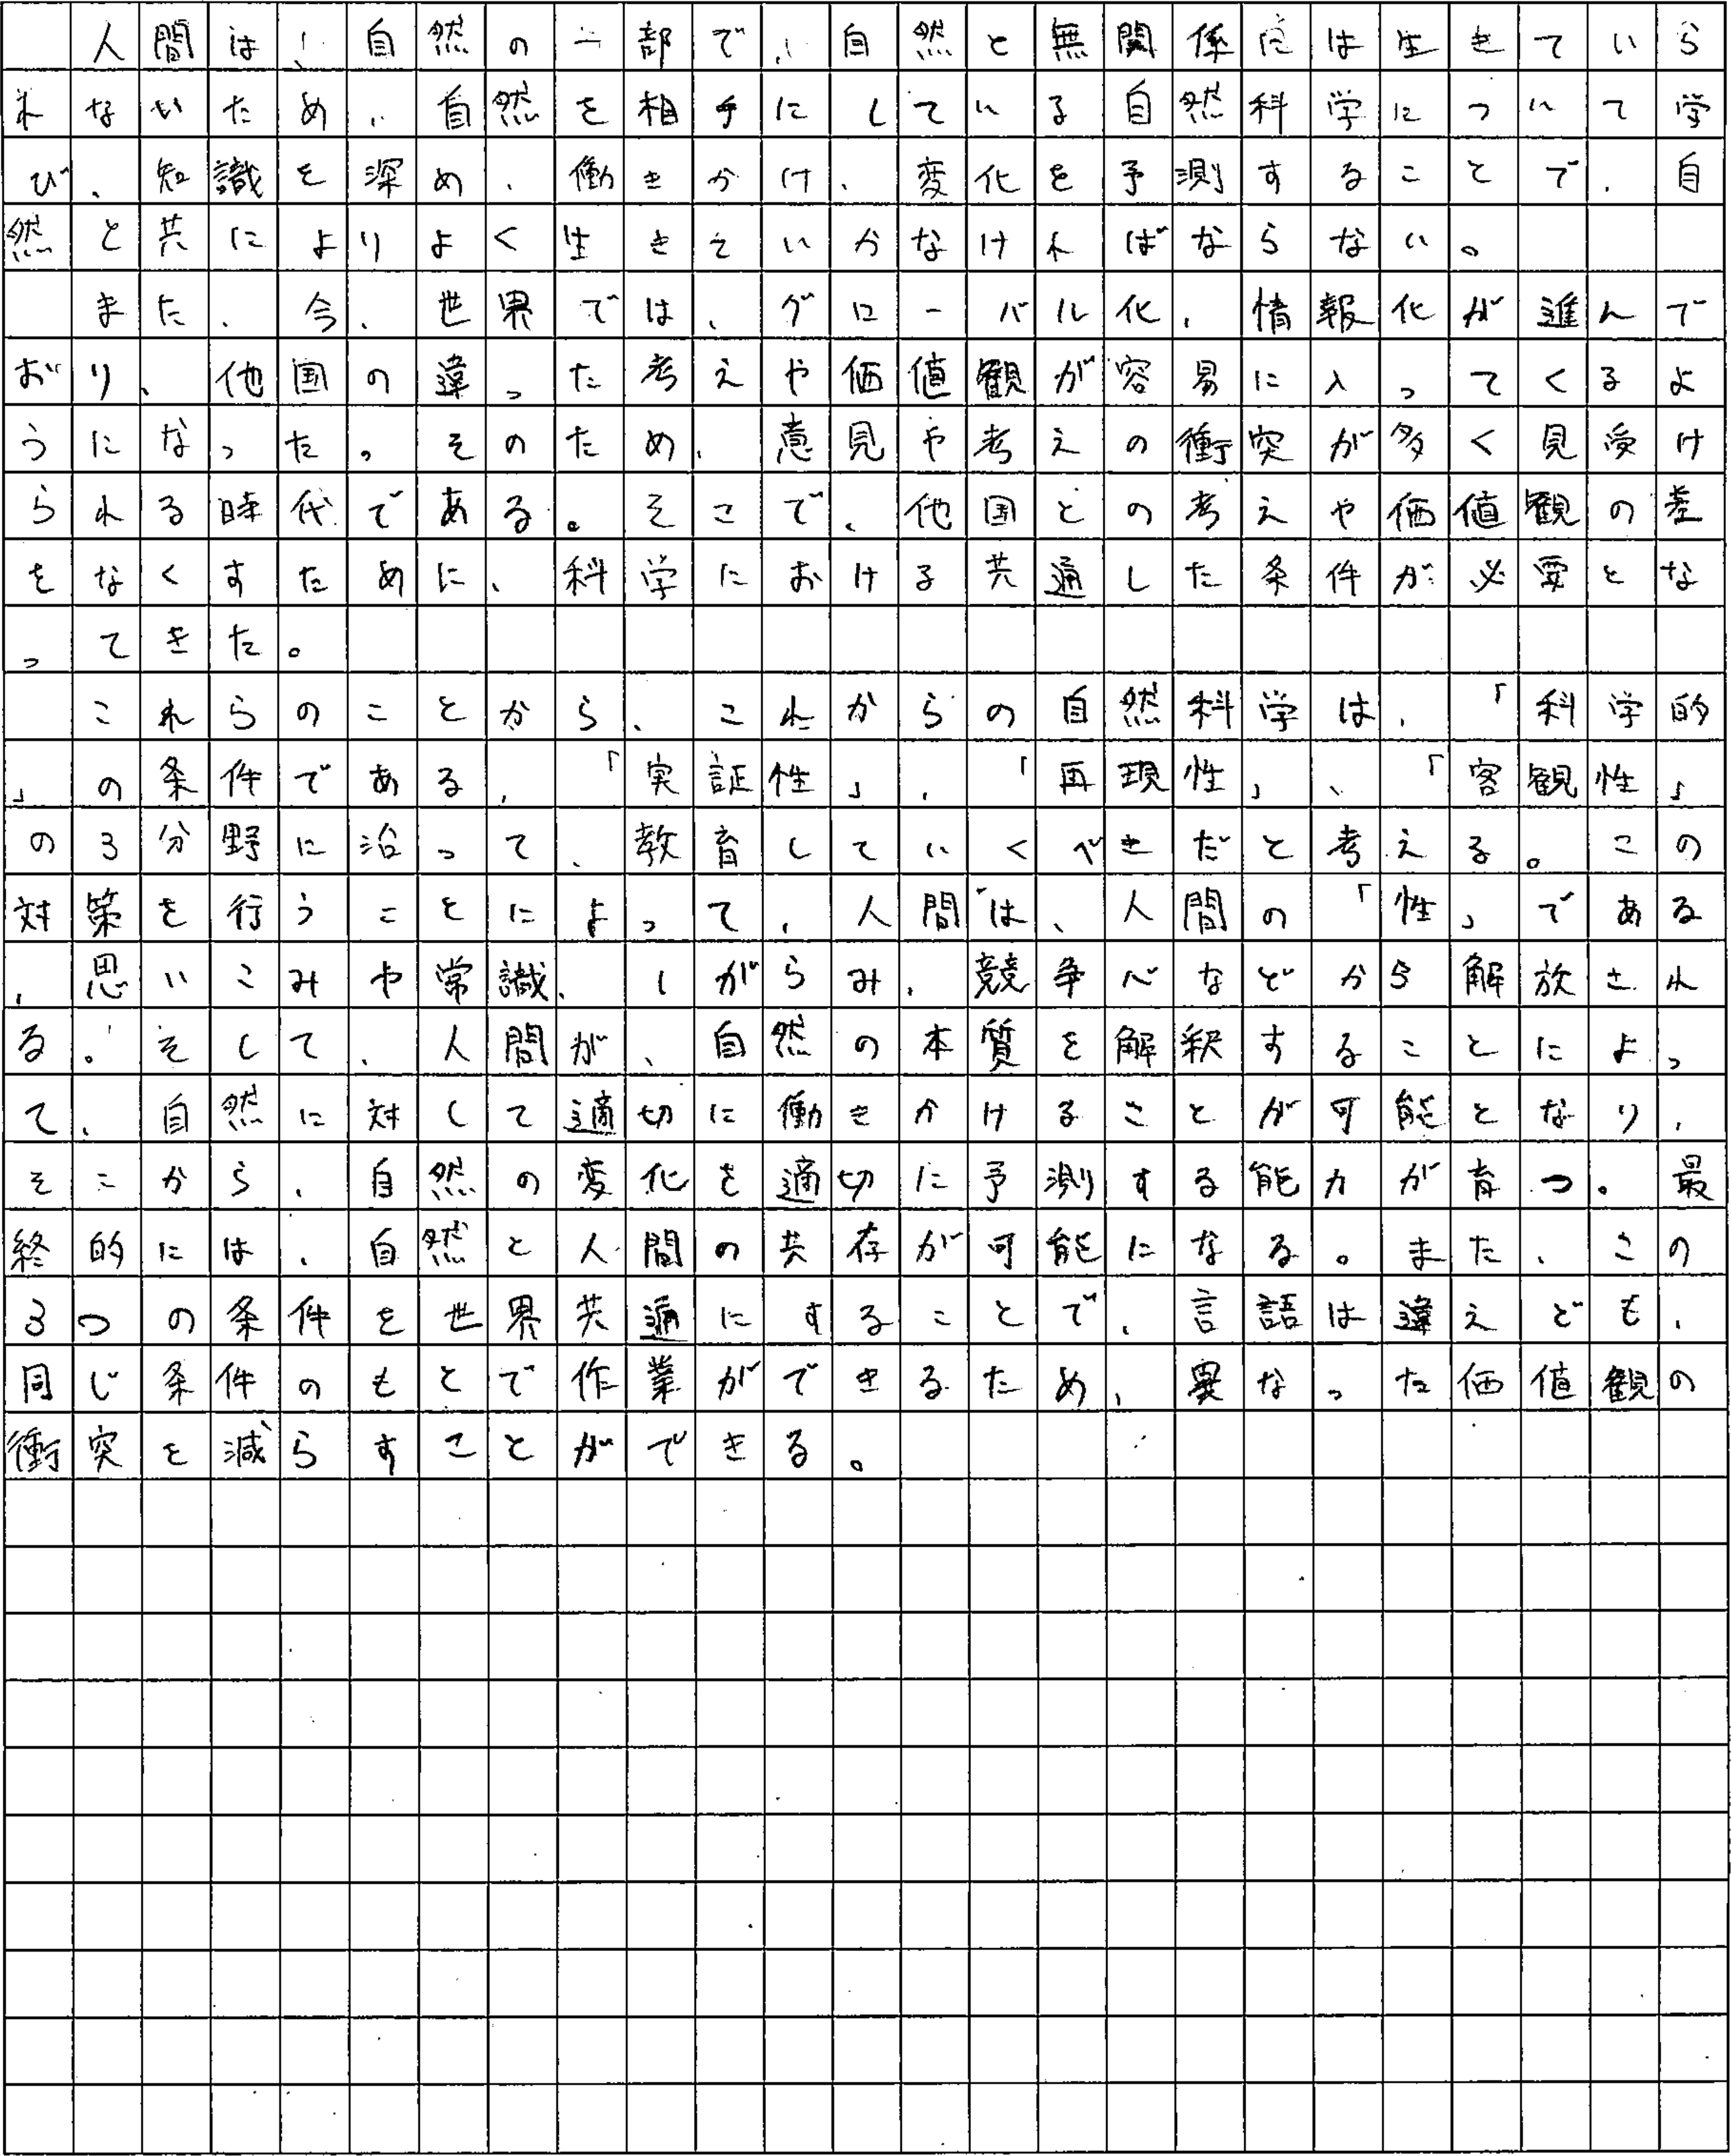　人間は、自然の一部で、自然と無関係には生きていられないため、自然を相手にしている自然科学について学び、知識を深め、働きかけ、変化を予測することで、自然と共によりよく生きていかなければならない。
　また、今、世界では、グローバル化、情報化が進んでおり、他国の違った考えや価値観が容易に入ってくるようになった。そのため、意見や考えの衝突が多く見受けられる時代である。そこで、他国との考えや価値観の差をなくすために、科学における共通した条件が必要となってきた。
　これらのことから、これからの自然科学は、「科学的」の条件である、「実証性」、「再現性」、「客観性」の３分野に沿って、教育していくべきだと考える。この対策を行うことによって、人間は、人間の「性」である、思いこみや常識、しがらみ、競争心などから解放される。そして、人間が、自然の本質を解釈することによって、自然に対して適切に働きかけることが可能となり、そこから、自然の変化を適切に予測する能力が育つ。最終的には、自然と人間の共存が可能になる。また、この３つの条件を世界共通にすることで、言語は違えども、同じ条件のもとで作業ができるため、異なった価値観の衝突を減らすことができる。
